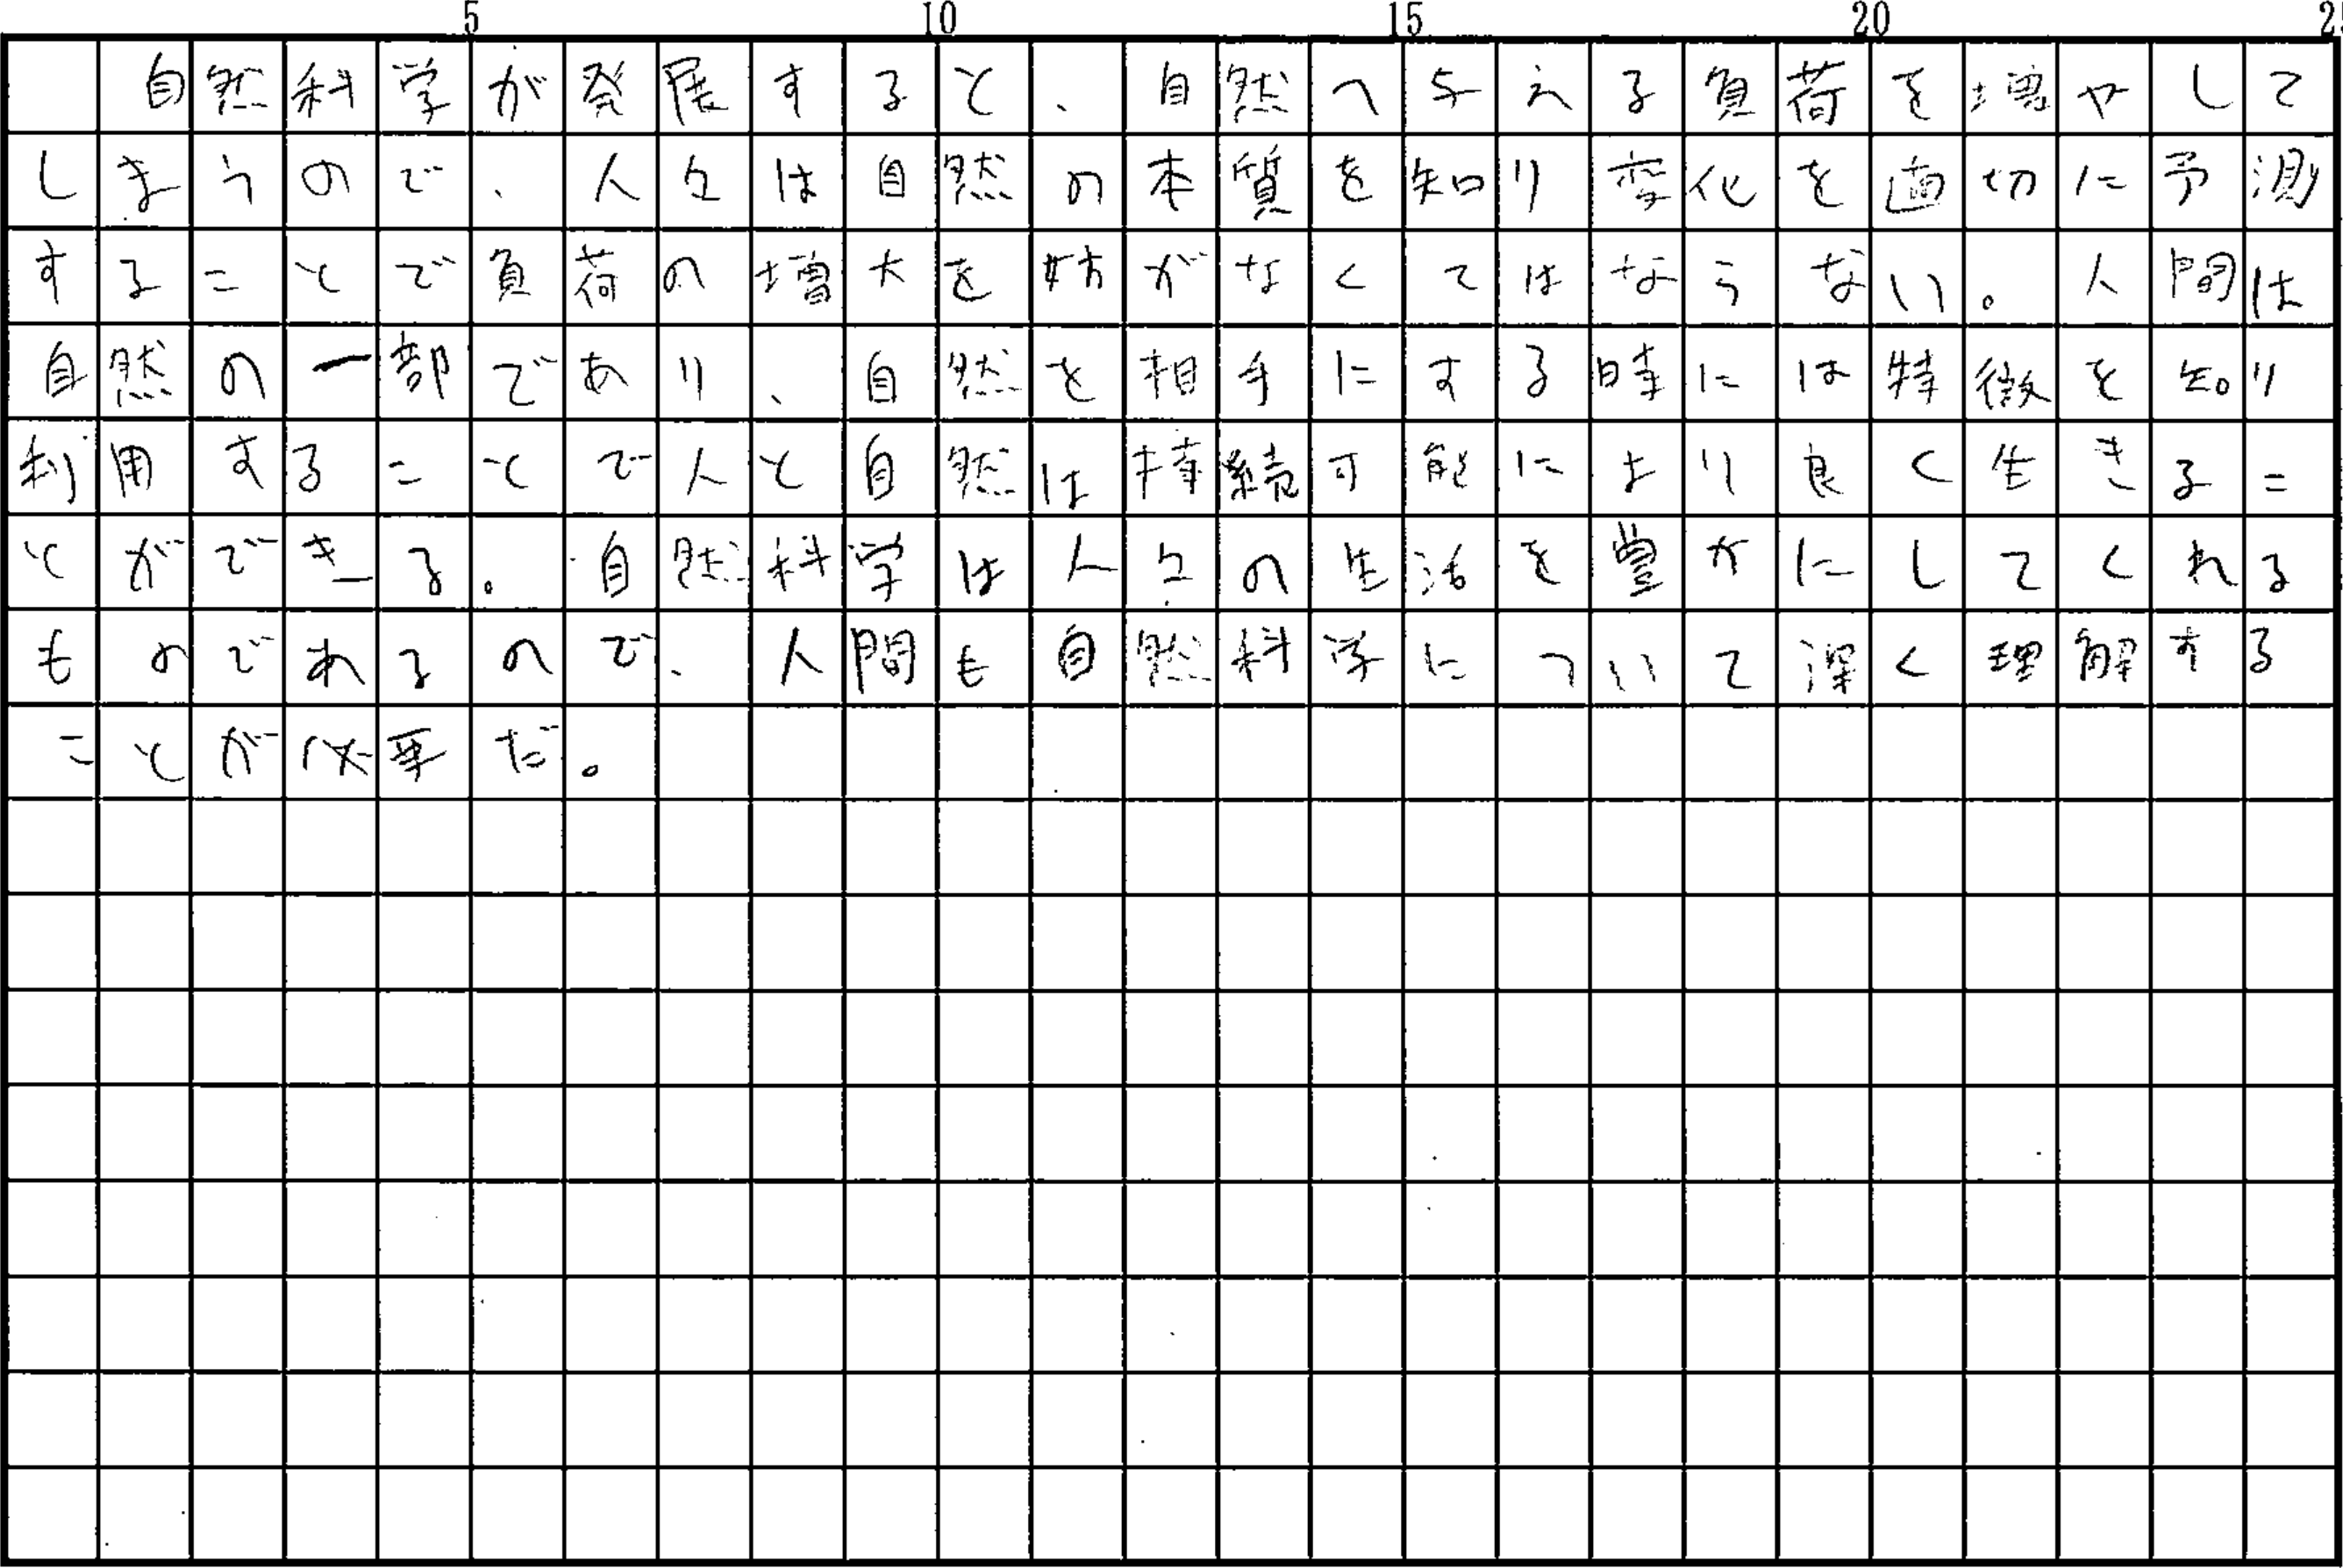　自然科学が発展すると、自然へ与える負荷を増やしてしまうので、人々は自然の本質を知り変化を適切に予測することで負荷の増大を妨がなくてはならない。人間は自然の一部であり、自然を相手にする時には特徴を知り利用することで人と自然は持続可能により良く生きることができる。自然科学は人々の生活を豊かにしてくれるものであるので、人間も自然科学について深く理解することが必要だ。
